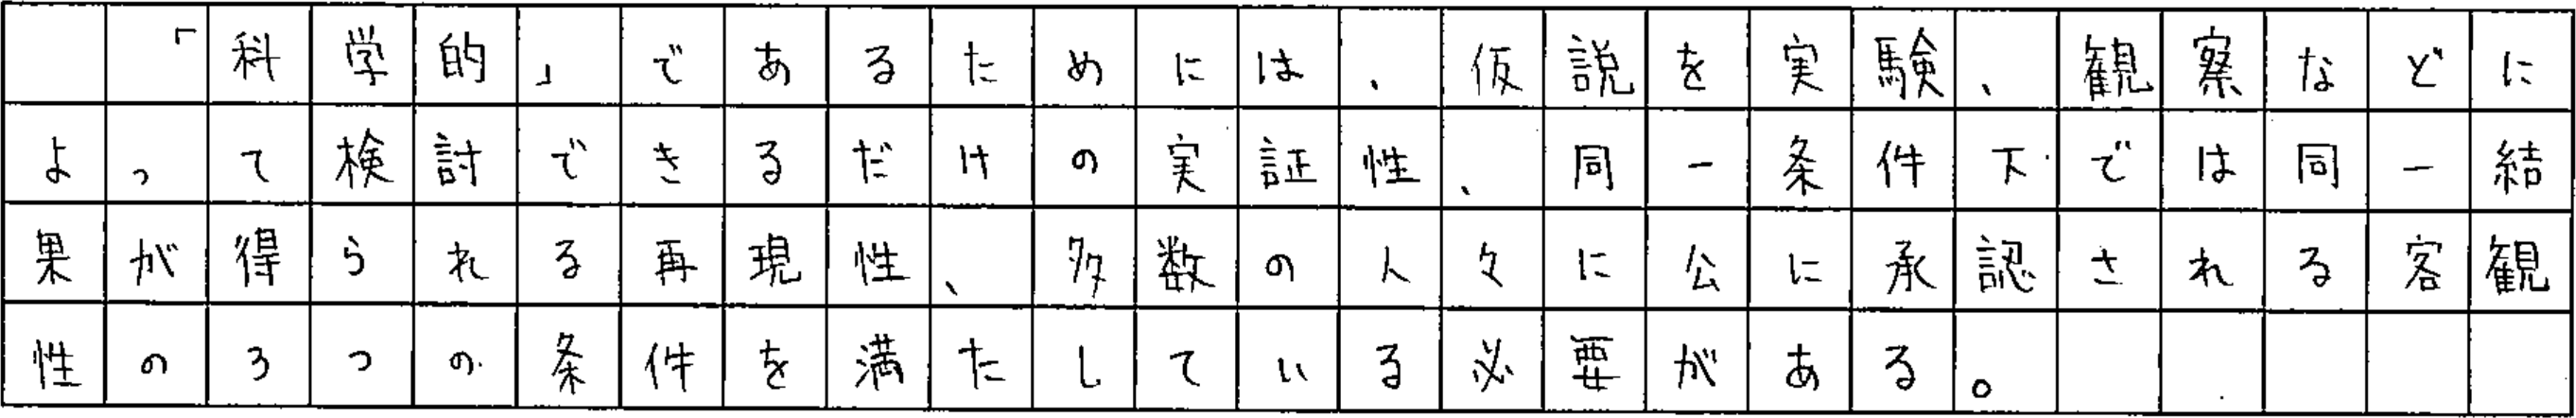　「科学的」であるためには、仮説を実験、観察などによって検討できるだけの実証性、同一条件下では同一結果が得られる再現性、多数の人々に公に承認される客観性の３つの条件を満たしている必要がある。
